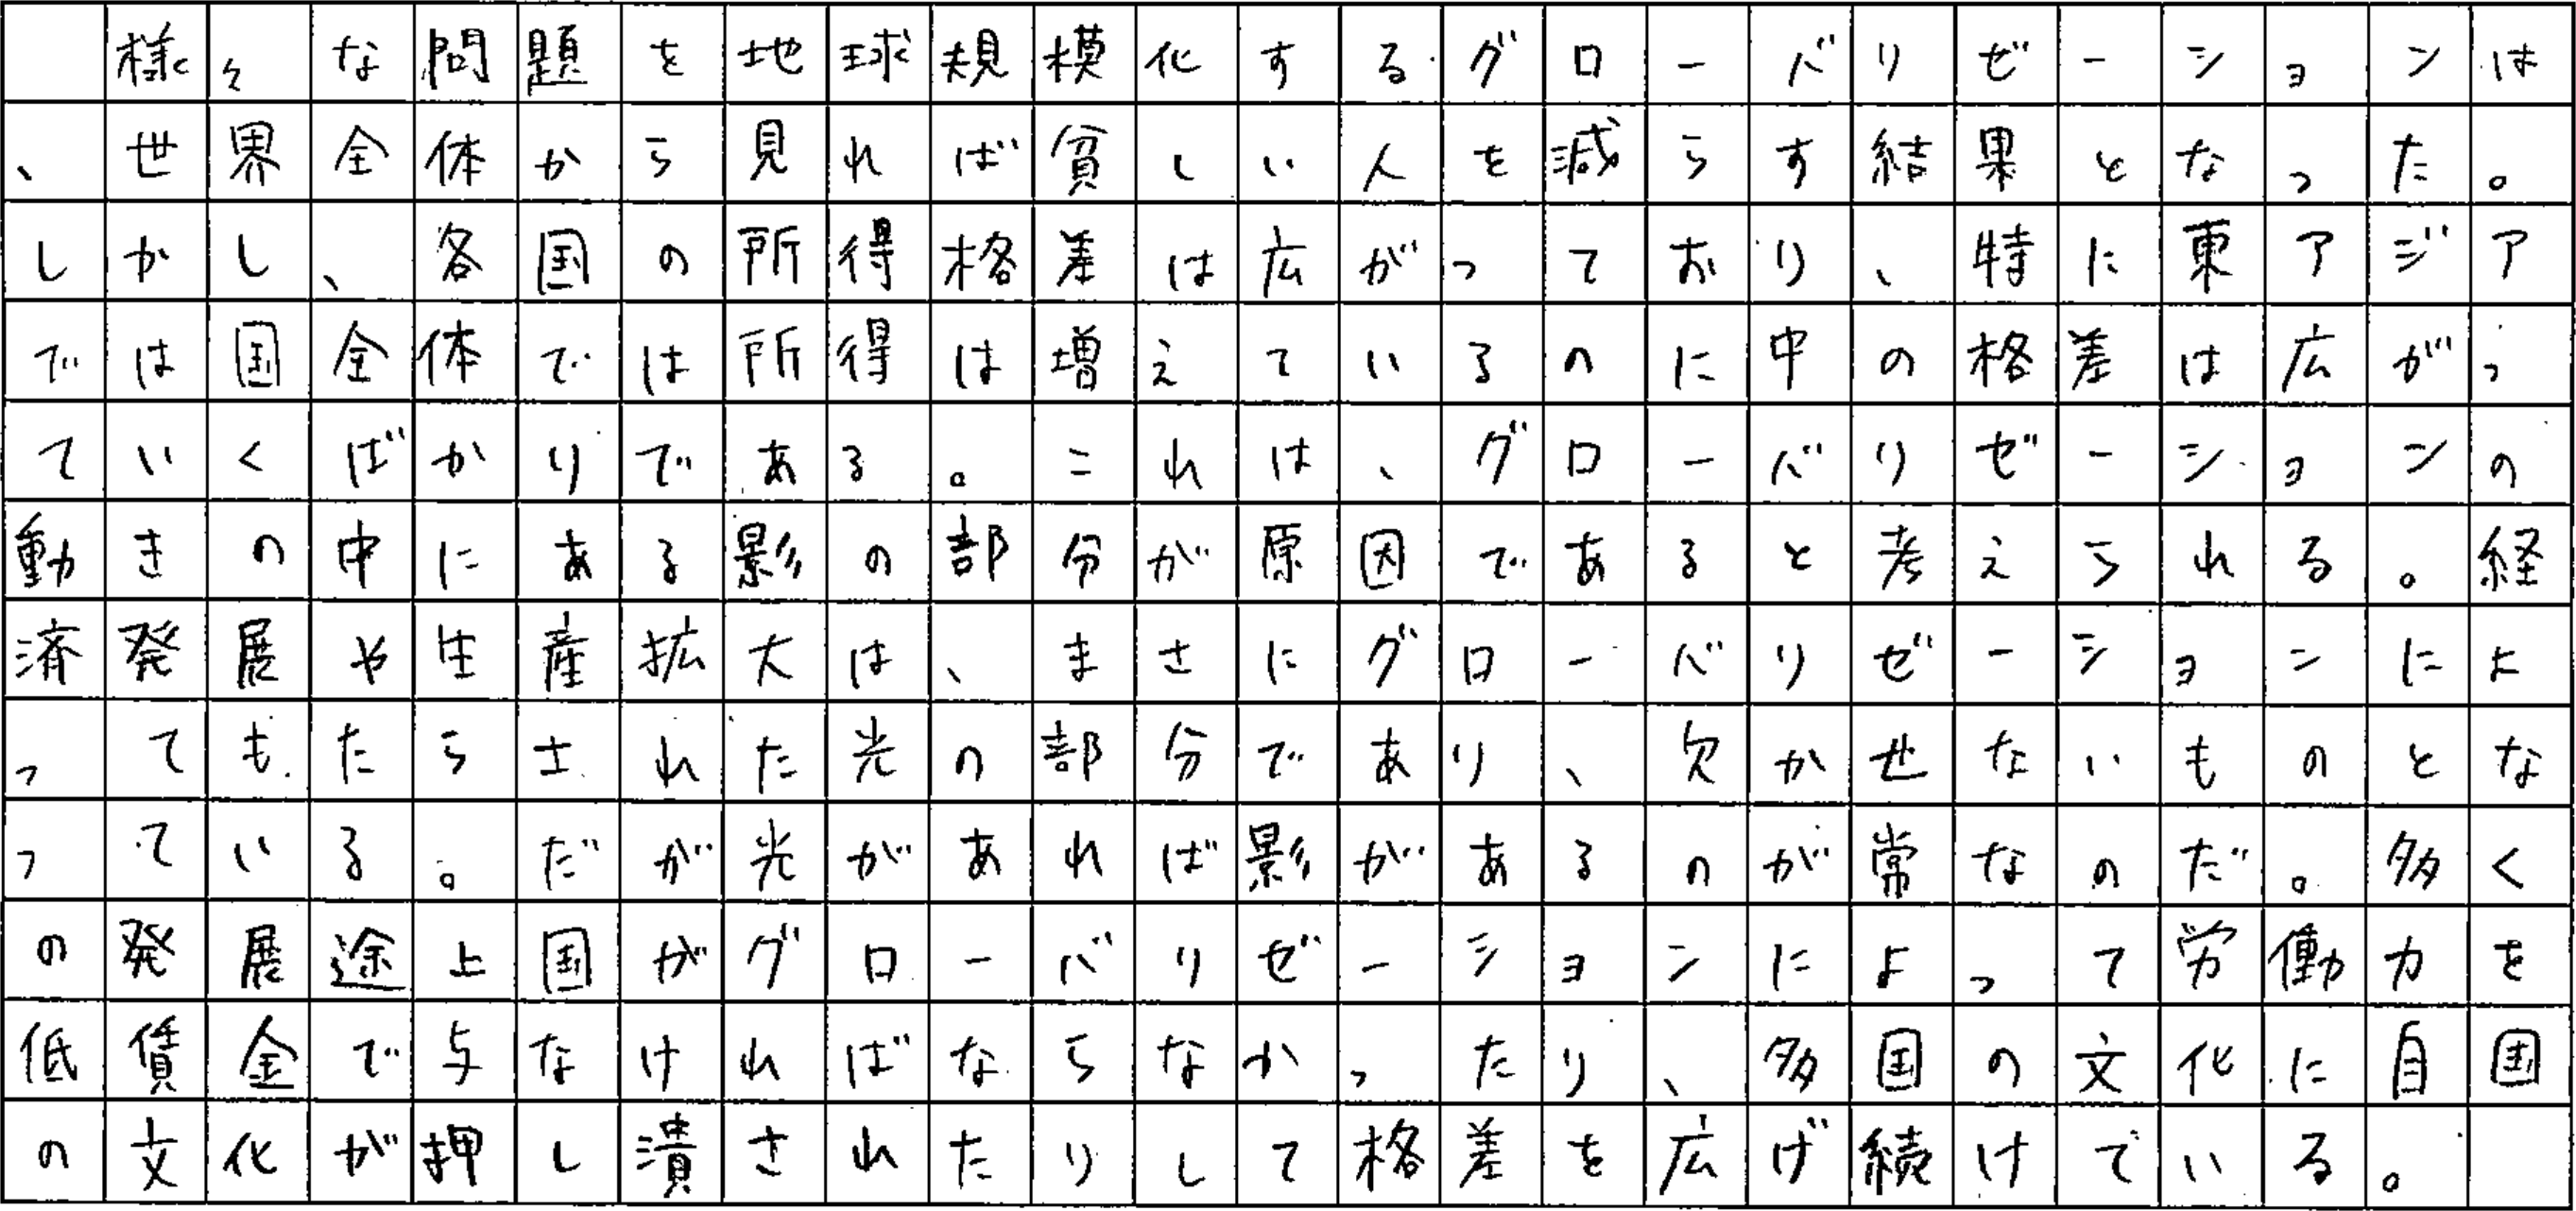　様々な問題を地球規模化するグローバリゼーションは、世界全体から見れば貧しい人を減らす結果となった。しかし、各国の所得格差は広がっており、特に東アジアでは国全体では所得は増えているのに中の格差は広がっていくばかりである。これは、グローバリゼーションの動きの中にある影の部分が原因であると考えられる。経済発展や生産拡大は、まさにグローバリゼーションによってもたらされた光の部分であり、欠かせないものとなっている。だが光があれば影があるのが常なのだ。多くの発展途上国がグローバリゼーションによって労働力を低賃金で与なければならなかったり、多国の文化に自国の文化が押し潰されたりして格差を広げ続けている。
